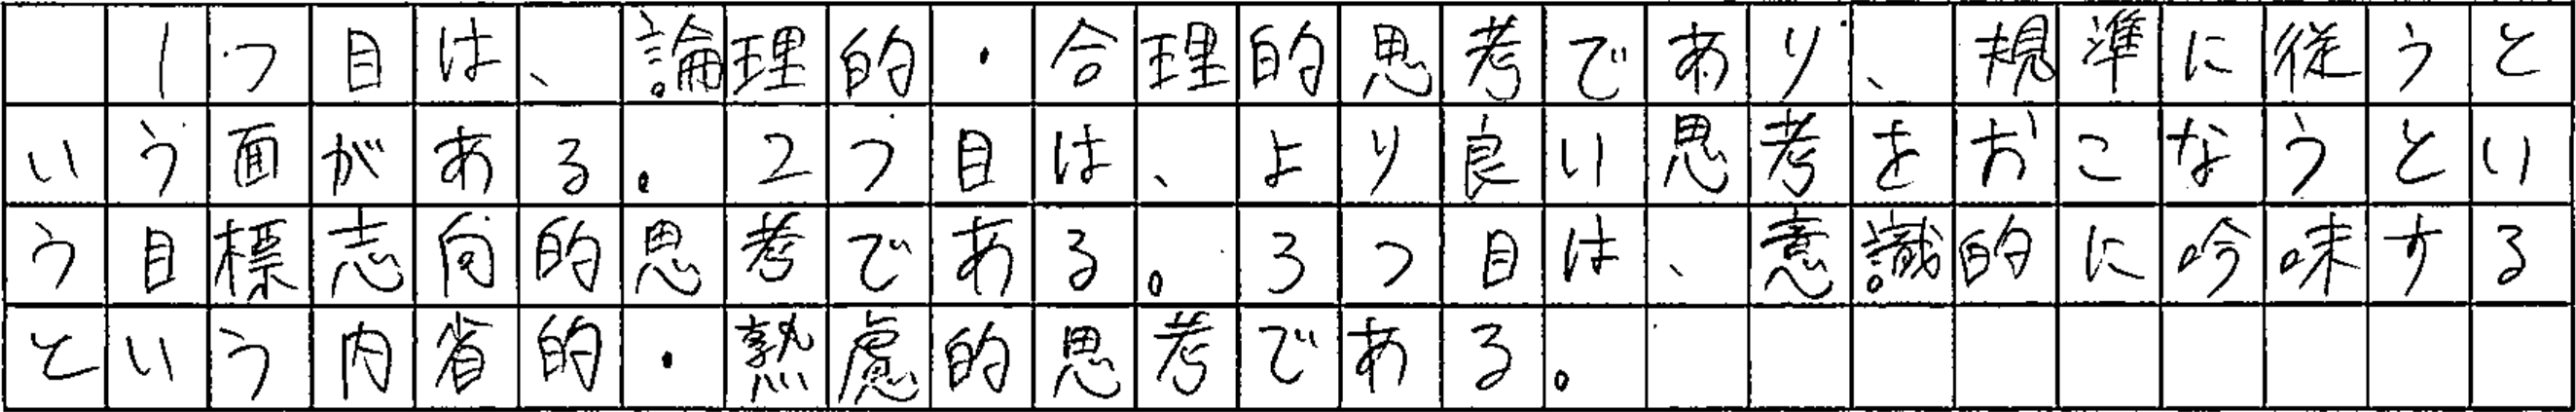　１つ目は、論理的・合理的思考であり、規準に従うという面がある。２つ目は、より良い思考をおこなうという目標志向的思考である。３つ目は、意識的に吟味するという内省的・熟慮的思考である。
